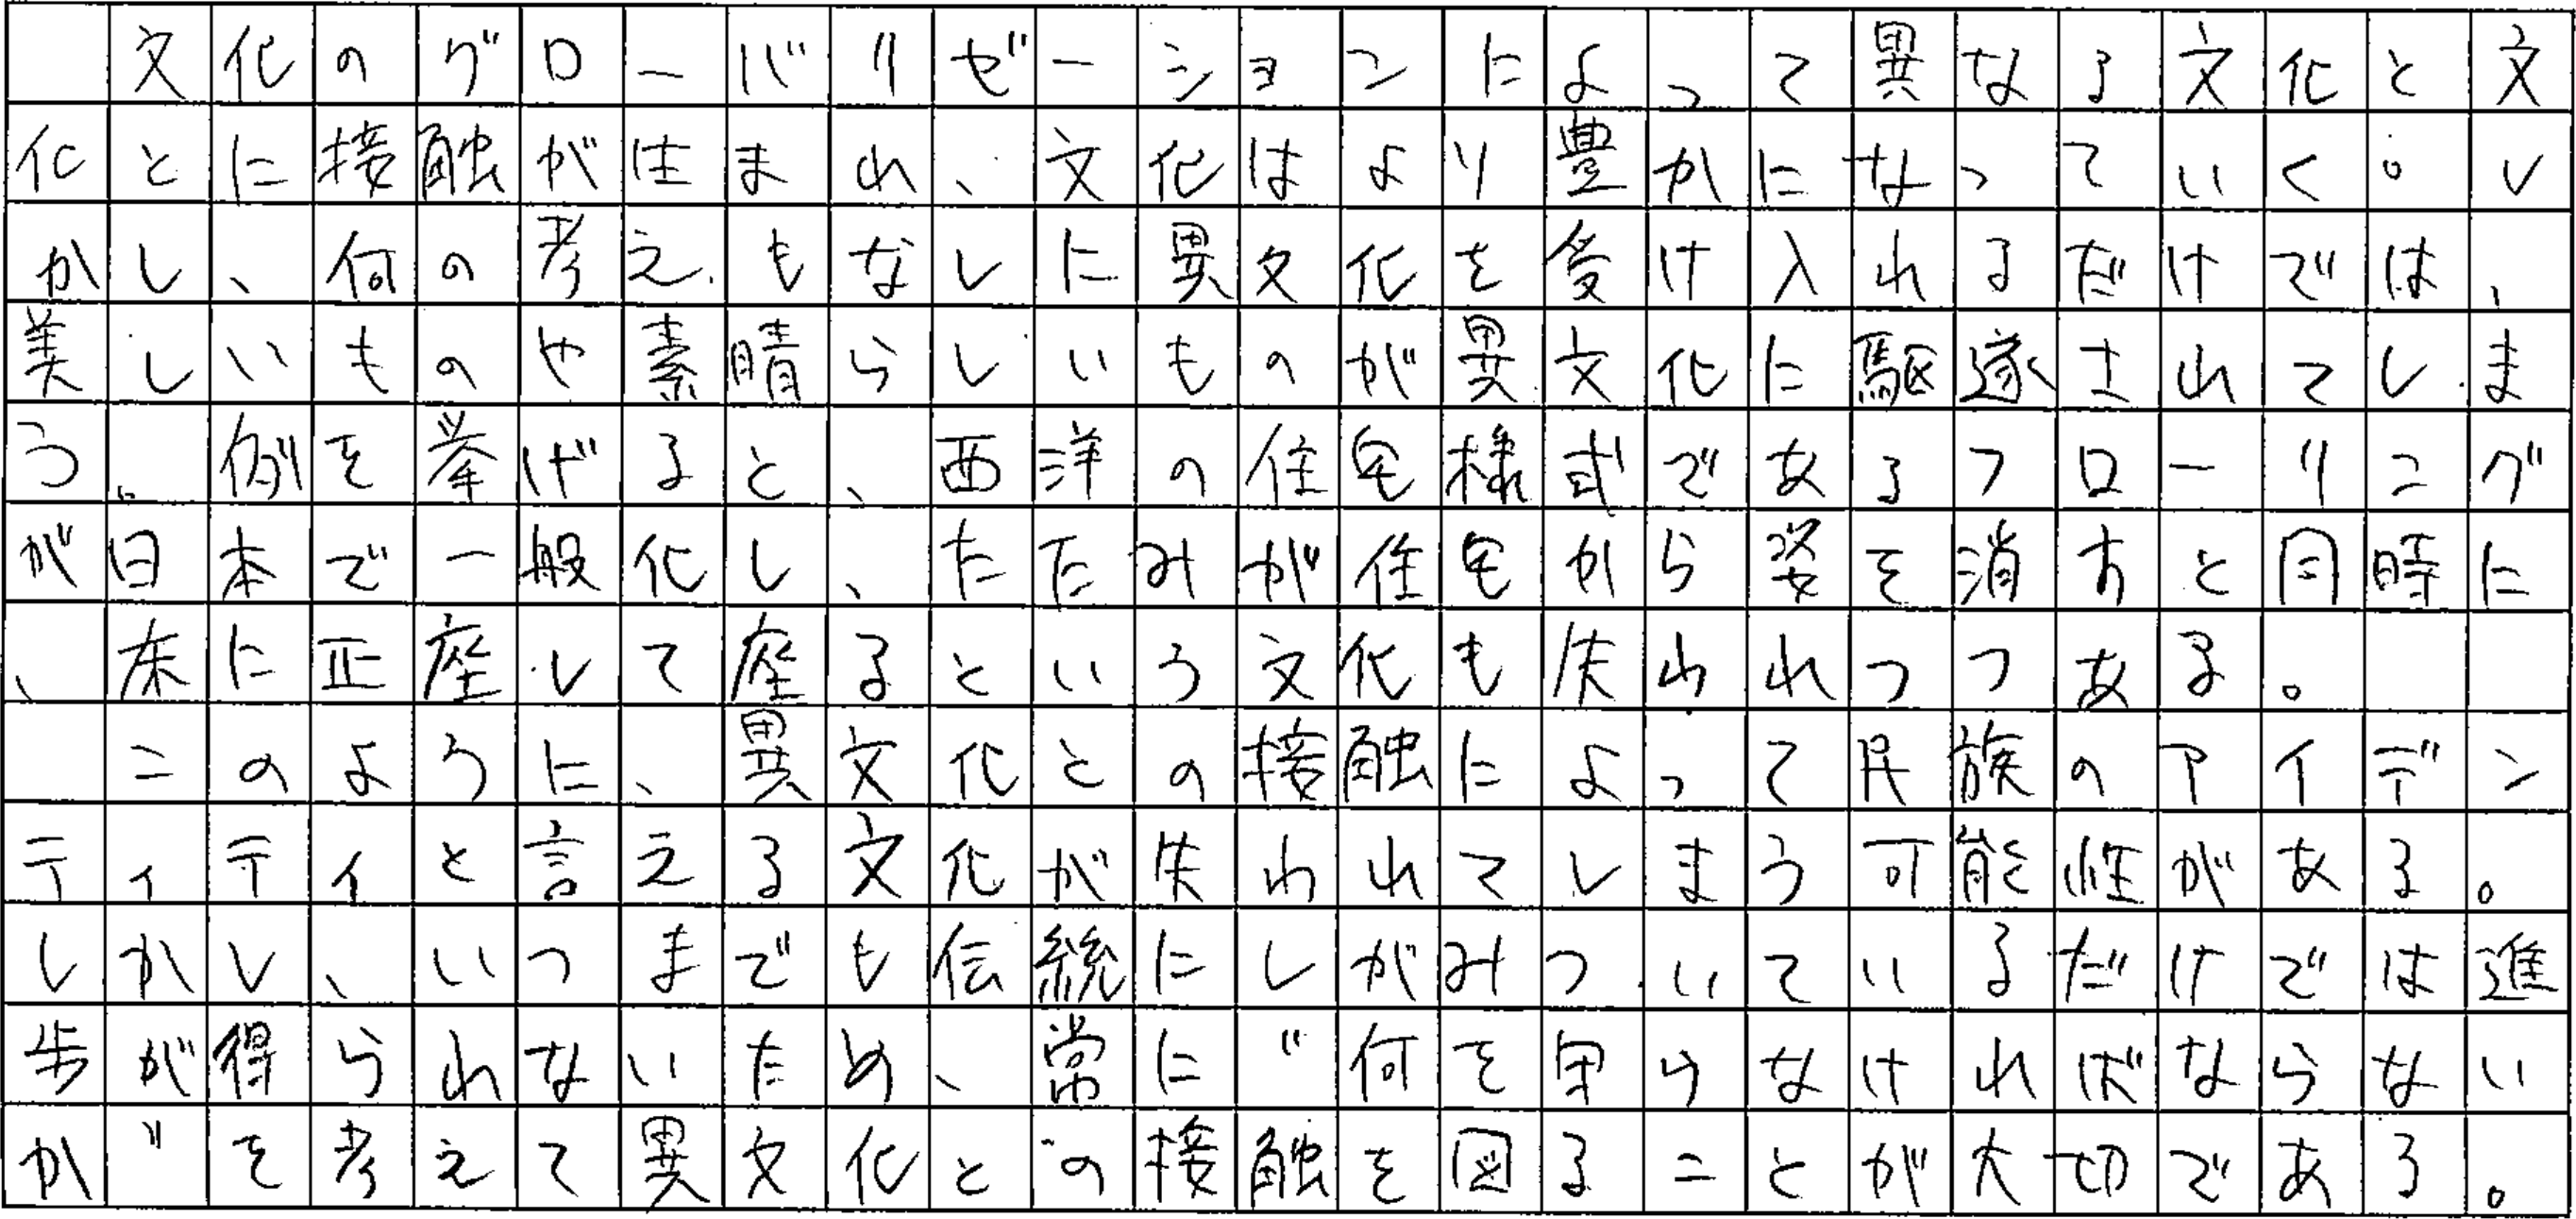　文化のグローバリゼーションによって異なる文化と文化とに接触が生まれ、文化はより豊かになっていく。しかし、何の考えもなしに異文化を受け入れるだけでは、美しいものや素晴らしいものが異文化に駆逐されてしまう。例を挙げると、西洋の住宅様式であるフローリングが日本で一般化し、たたみが住宅から姿を消すと同時に、床に正座して座るという文化も失われつつある。
　このように、異文化との接触によって民族のアイデンティティと言える文化が失われてしまう可能性がある。しかし、いつまでも伝統にしがみついているだけでは進歩が得られないため、常に“何を守らなければならないか”を考えて異文化との接触を図ることが大切である。
